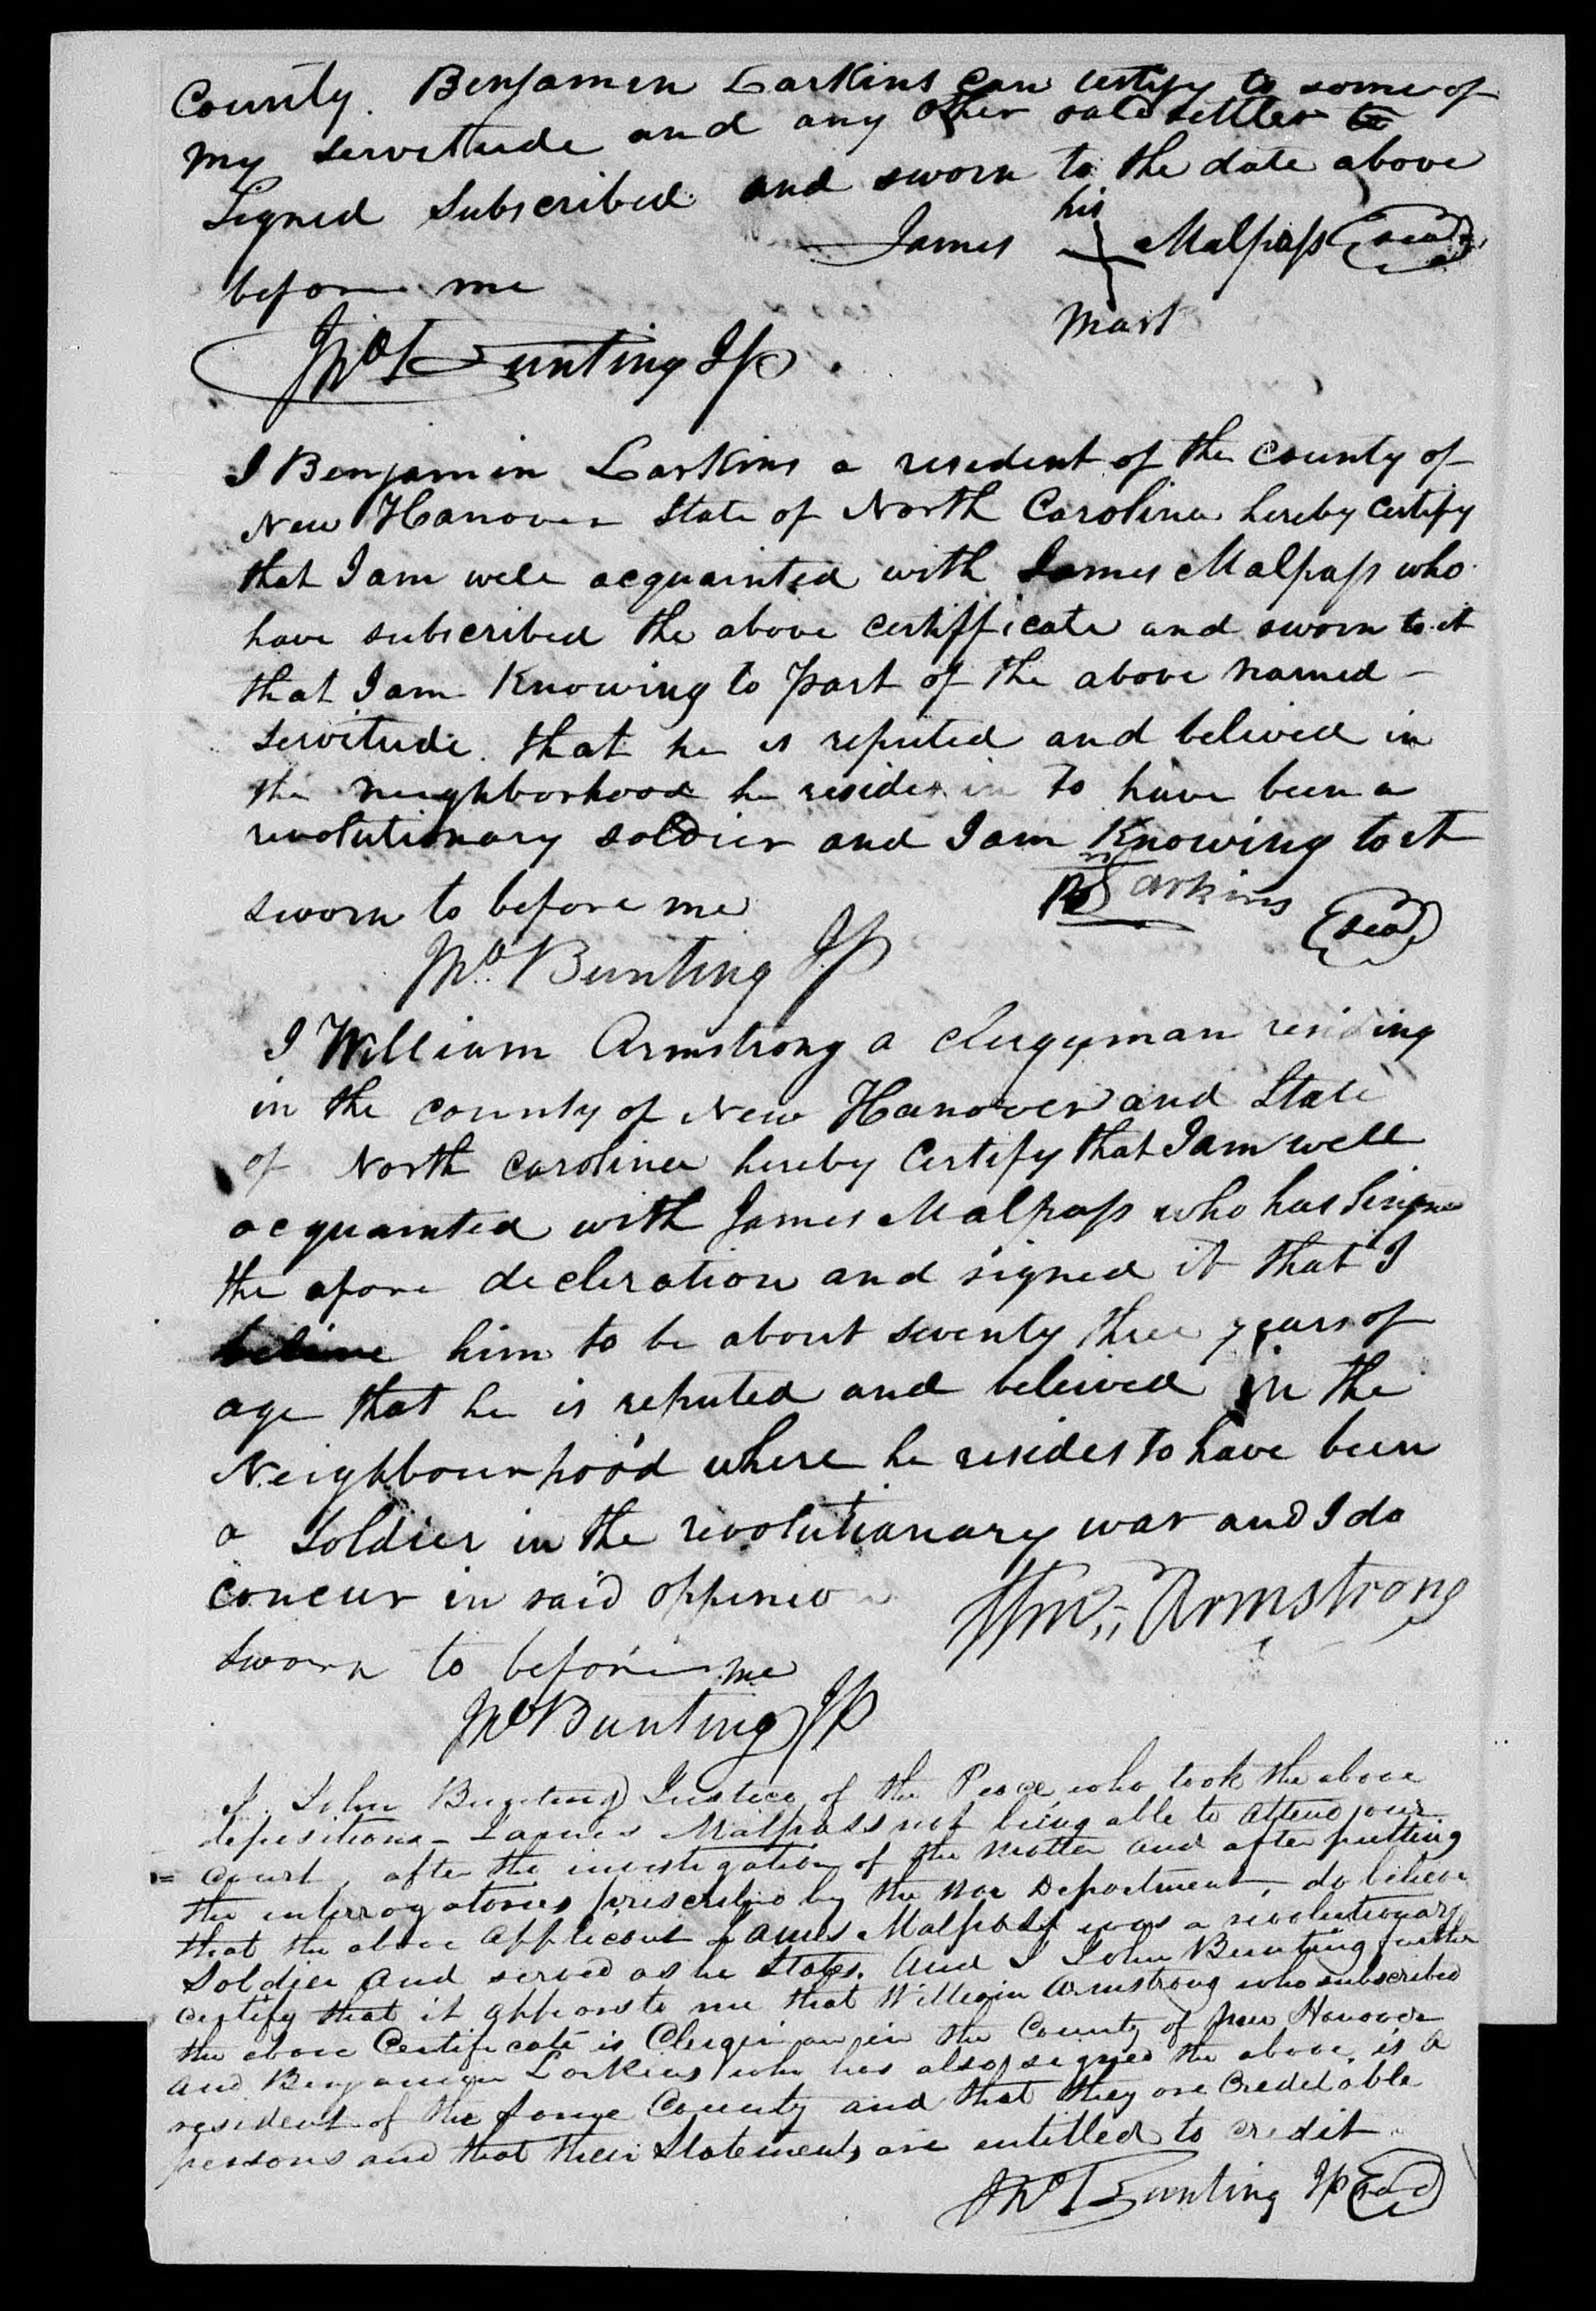County Benjamin Larkins can certify to some of my servitude and any other ? settles  
Signed Subscribed and sworn to the date above  before me  JW Bunting JP  James his X Mark Malpass 
 I Benjamin Larkins a resident of the county of New Hanover State of North Carolina hereby certify that I am well acquainted with James Malpass who have subscribed the above certifficate and sworn to it that I am knowing to part of the above named servitude that he is reputed and belived in the neighborhood he resides in to have been a revolutionary soldier and I am knowing to it B Larkins 
sworn to before me JW Bunting JP
I William Armstrong a clergyman residing in the county of New Hanover and State of North Carolina hereby certify that I am well acquainted with James Malpass who has signed  the afore declaration and signed it that I believe him to be about seventy three years of age that he is reputed and believed in the Neighbourhood where he resides to have been a Soldier in the revolutionary war and I do concur in said oppinion Wm Armstrong 
Sworn to before me JW Bunting JP
I John Bunting  Justice of the Peace, who took the above depositions - James Malpass not being able to attend our Court after the investigation of the matter and after putting the interrogatories prescribed by the War Department, do believe that the above applicant James Malpass was a revolutionary soldier and served as he states. And I John Bunting further certify that it appears to me that William Armstrong who subscribed the above certificate is Clergiman in the County of New Hanover and Benjamin Larkins who has also signed the above is a resident of the same County and that they are creditable persons and that their statements are entitled to credit JW Bunting JP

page: 7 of 9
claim: survivor's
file: S. 9,399, for James Malpass, North Carolina